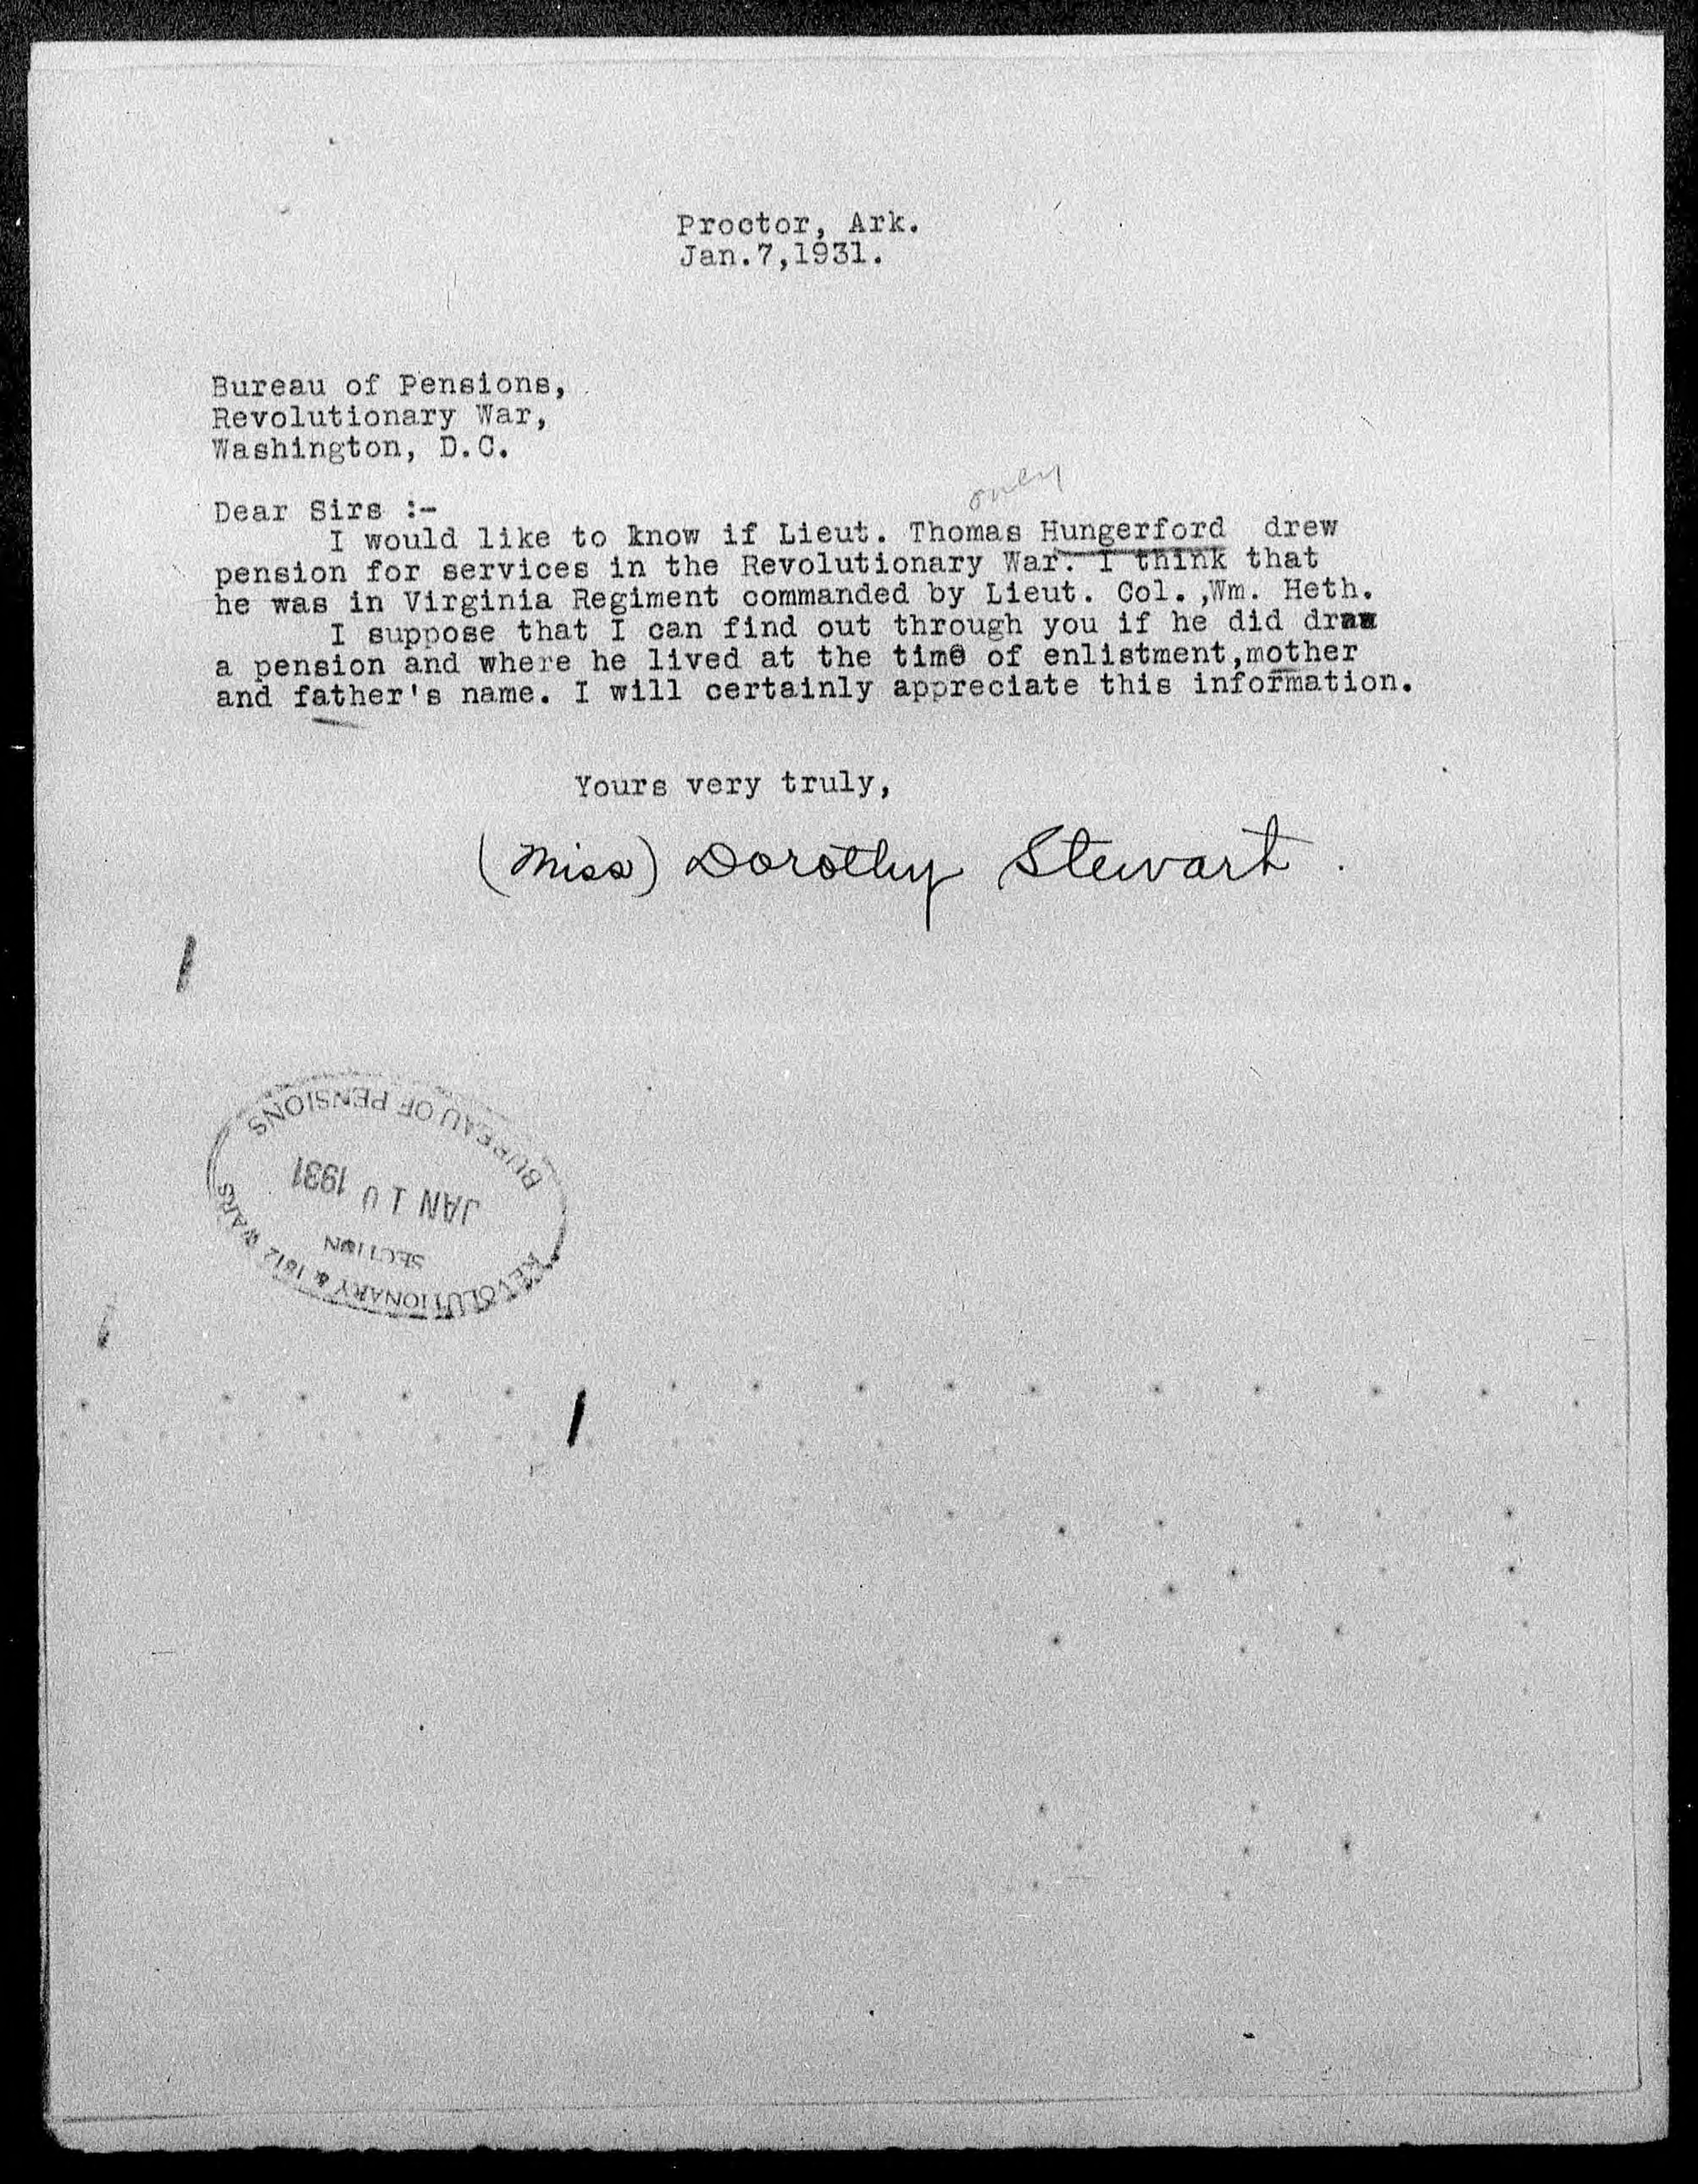Proctor, Ark.
Jan. 7, 1931.
Bureau of Pensions,
Revolutionary War,
Washington, D.C.
Dear Sirs :-
I would like to know if Lieut. Thomas ^[handwritten insert "only"]^ Hungerford drew pension for services in the Revolutionary Wat. I think that he was in Virginia Regiment commanded by Lieut. Col. Wm. Heth.
I suppose that I can find out through you if he did draw a pension and where he lived at the time of enlistment, mother and father's name. I will certainly appreciate this information.
Yours very truly,
[signature] (Miss} Dorothy Stewart

[oval stamp, inverted]
REVOLUTIONARY & 1812 WARS SECTION
JAN 10 1931 
BUREAU OF PENSIONS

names: Dorothy Stewart, Wm Heth, Thomas Hungerford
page: 7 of 7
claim: bounty land warrant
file: B. L. Wt. 934-200, Thomas Hungerford, Va.